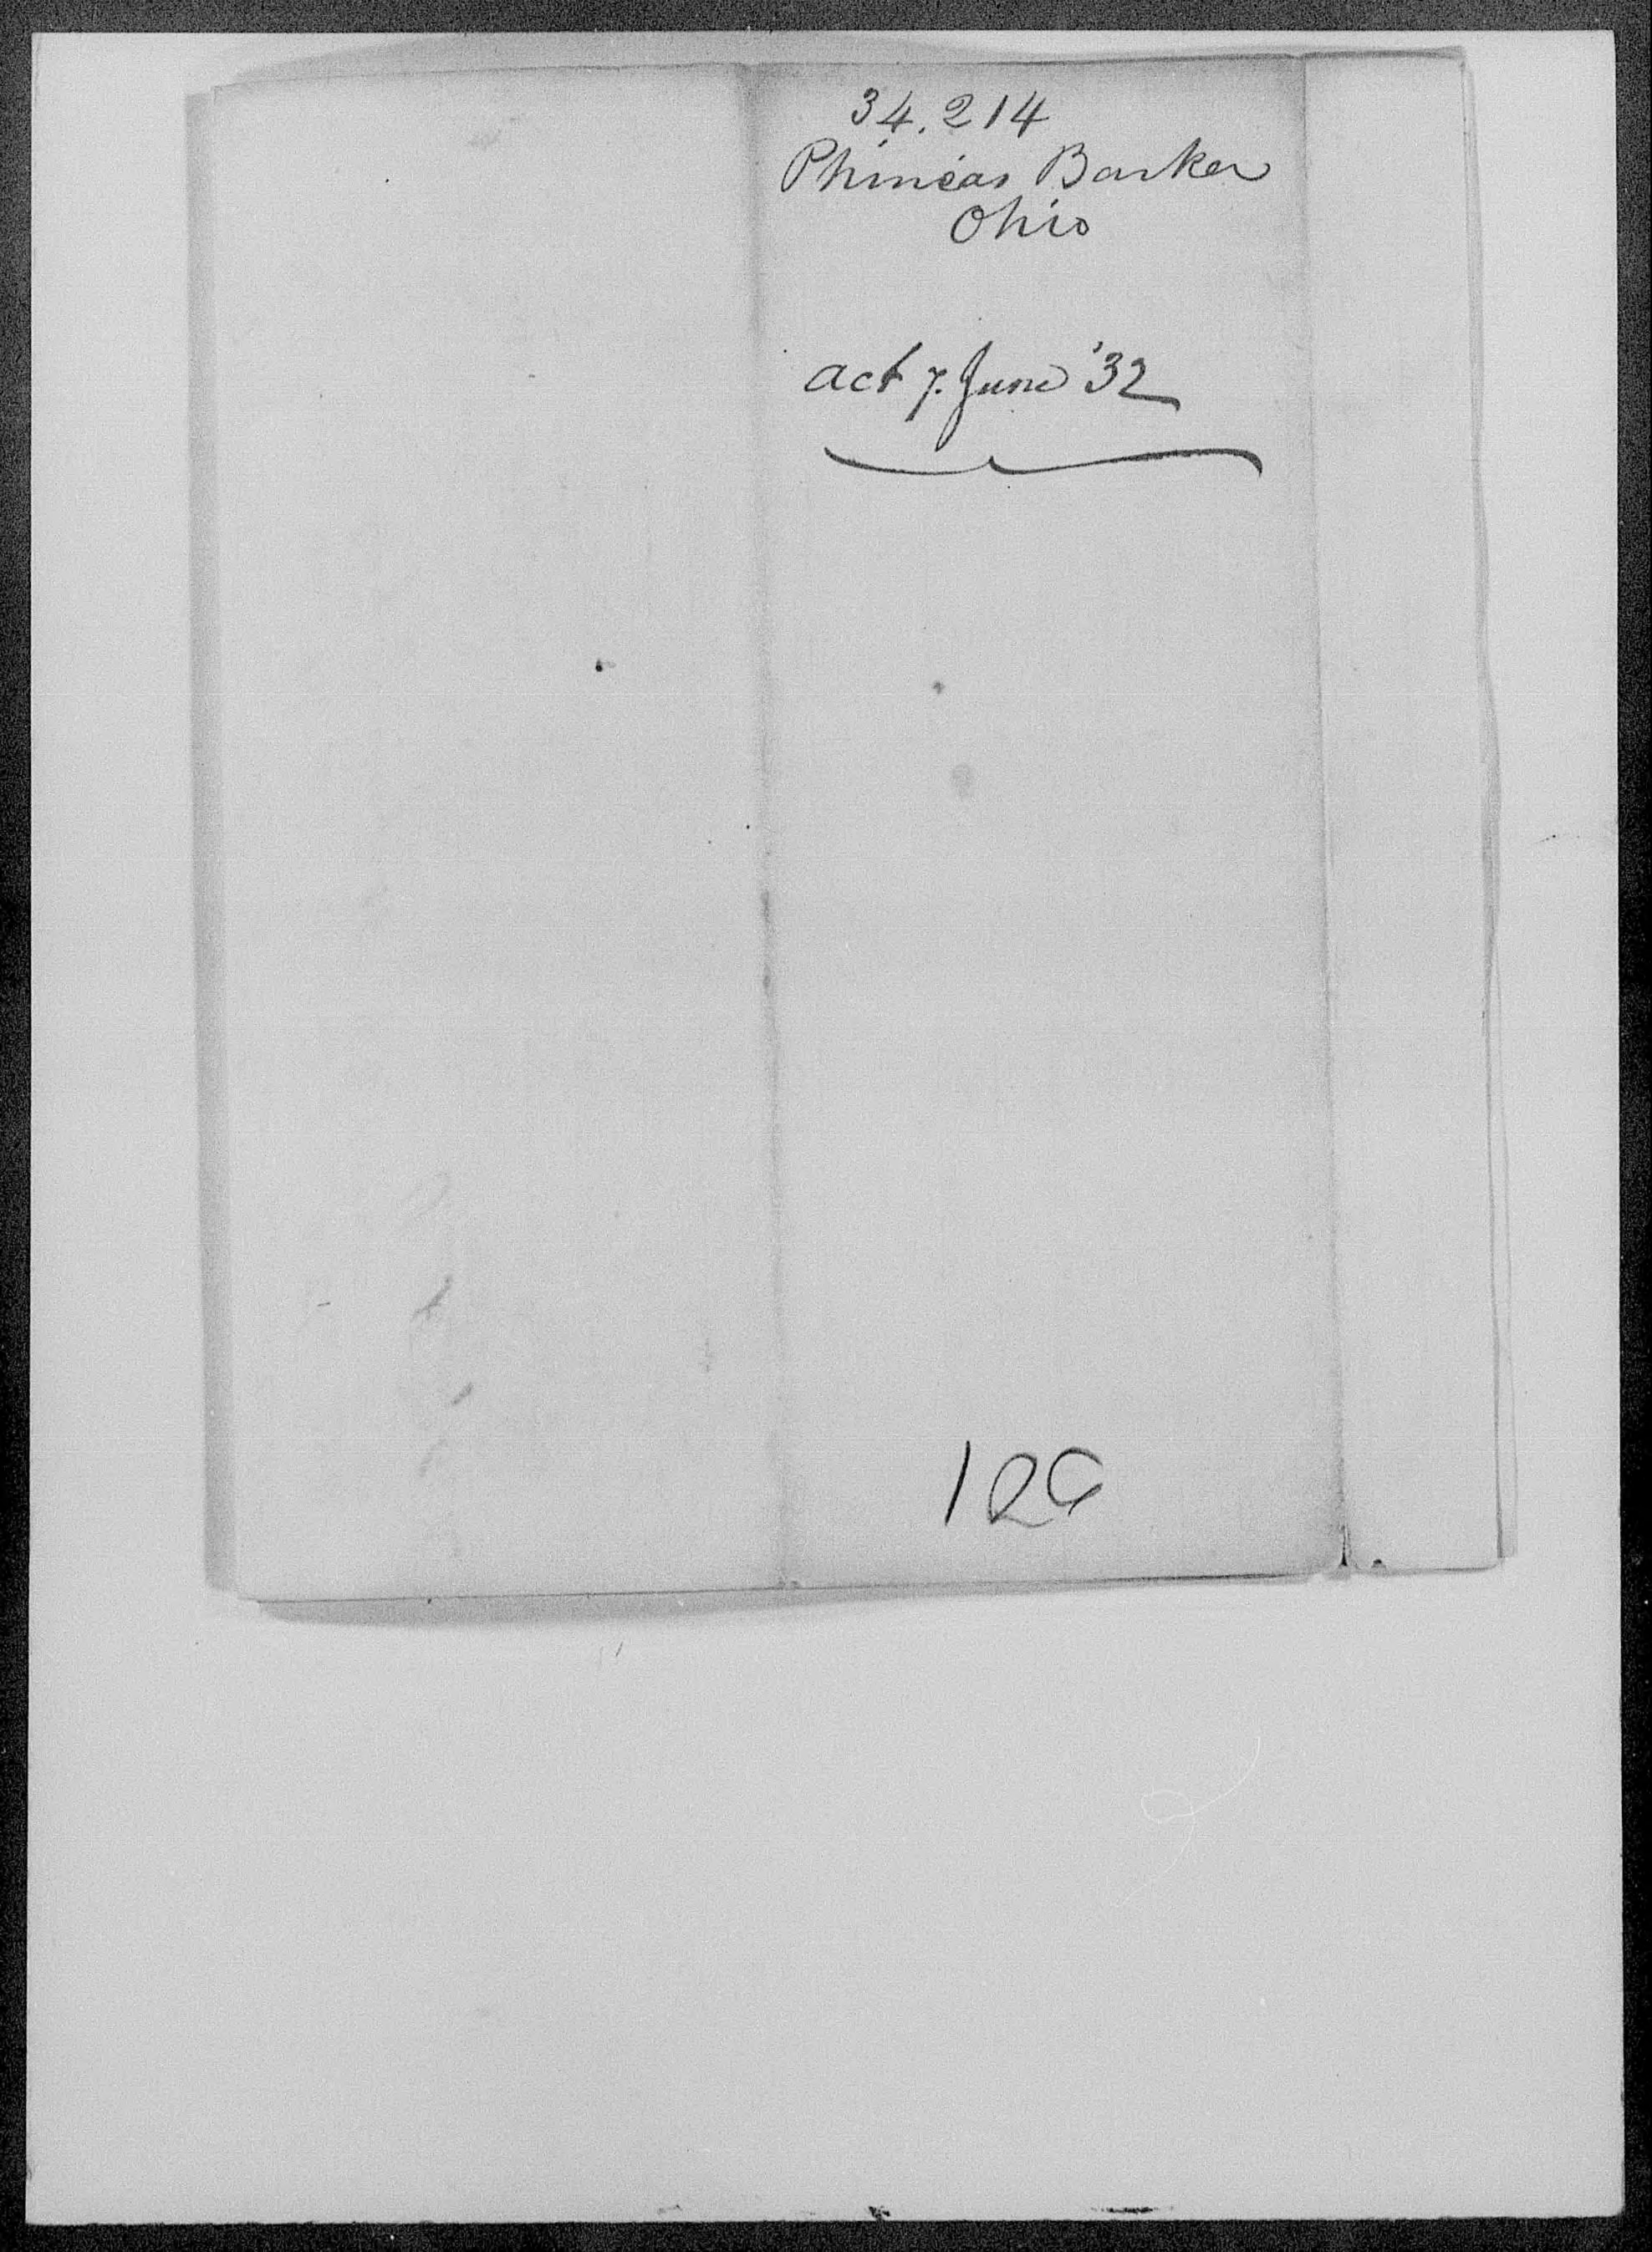34,214
Phineas Barker
Ohio
Act 7 June '32
126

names: Phineas Barker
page: 3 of 35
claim: rejected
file: R. 501, Phineas Barker, Conn. Privateer